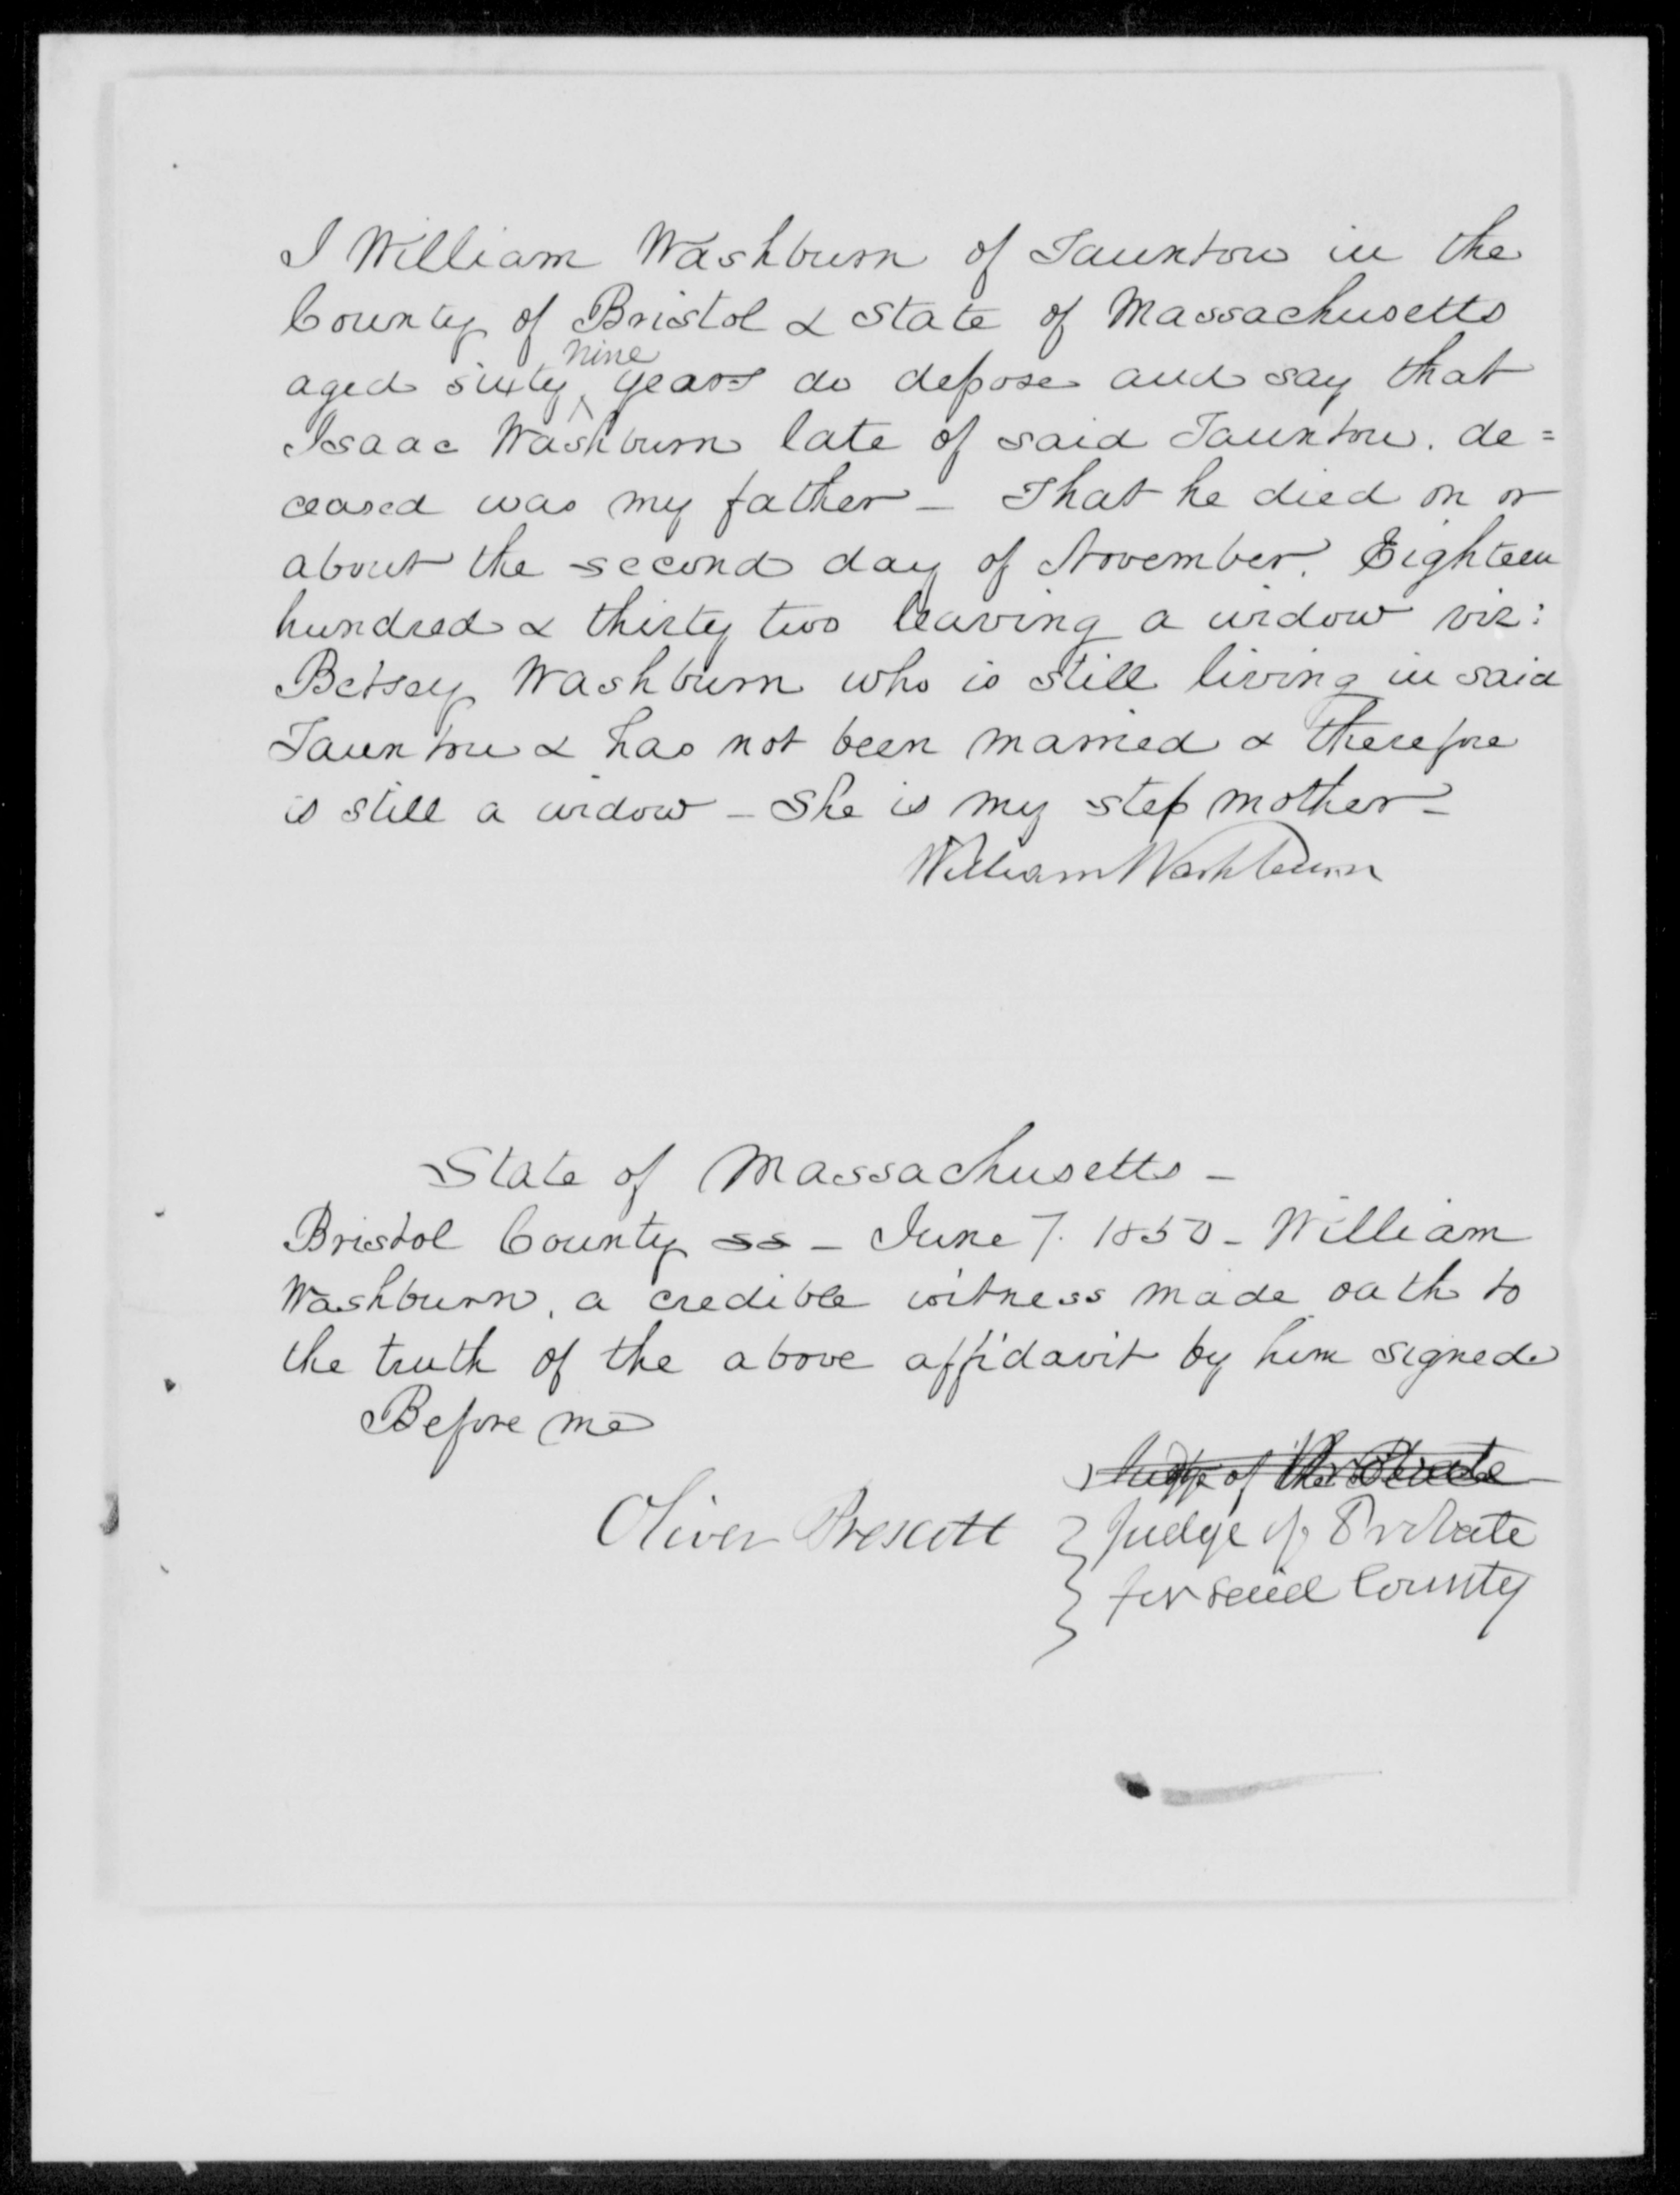I William Washburn of Taunton in the County of Bristol & State of Massachusetts 
aged sixty nine years do depose and say that Isaac Washburn late of said Taunton deceased was my father - That he died on or about the second day of November Eighteen hundred & thirty two leaving a widow viz: Betsey Washburn who is still living in said Taunton & has not been married & therefore is still a widow- She is my stepmother-

  William Washburn

  State of Massachusetts -
     Bristol County ss - June 7, 1850- William Washburn, a credible witness made oath to the truth  of the above affidavit by him signed 
Before me

  Oliver Prescott } Judge of Probate for said                    
                               County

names: Oliver Prescott, Betsey Washburn, William Washburn, Isaac Washburn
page: 9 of 34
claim: widow's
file: W. 1677, Isaac Washburn, Mass.